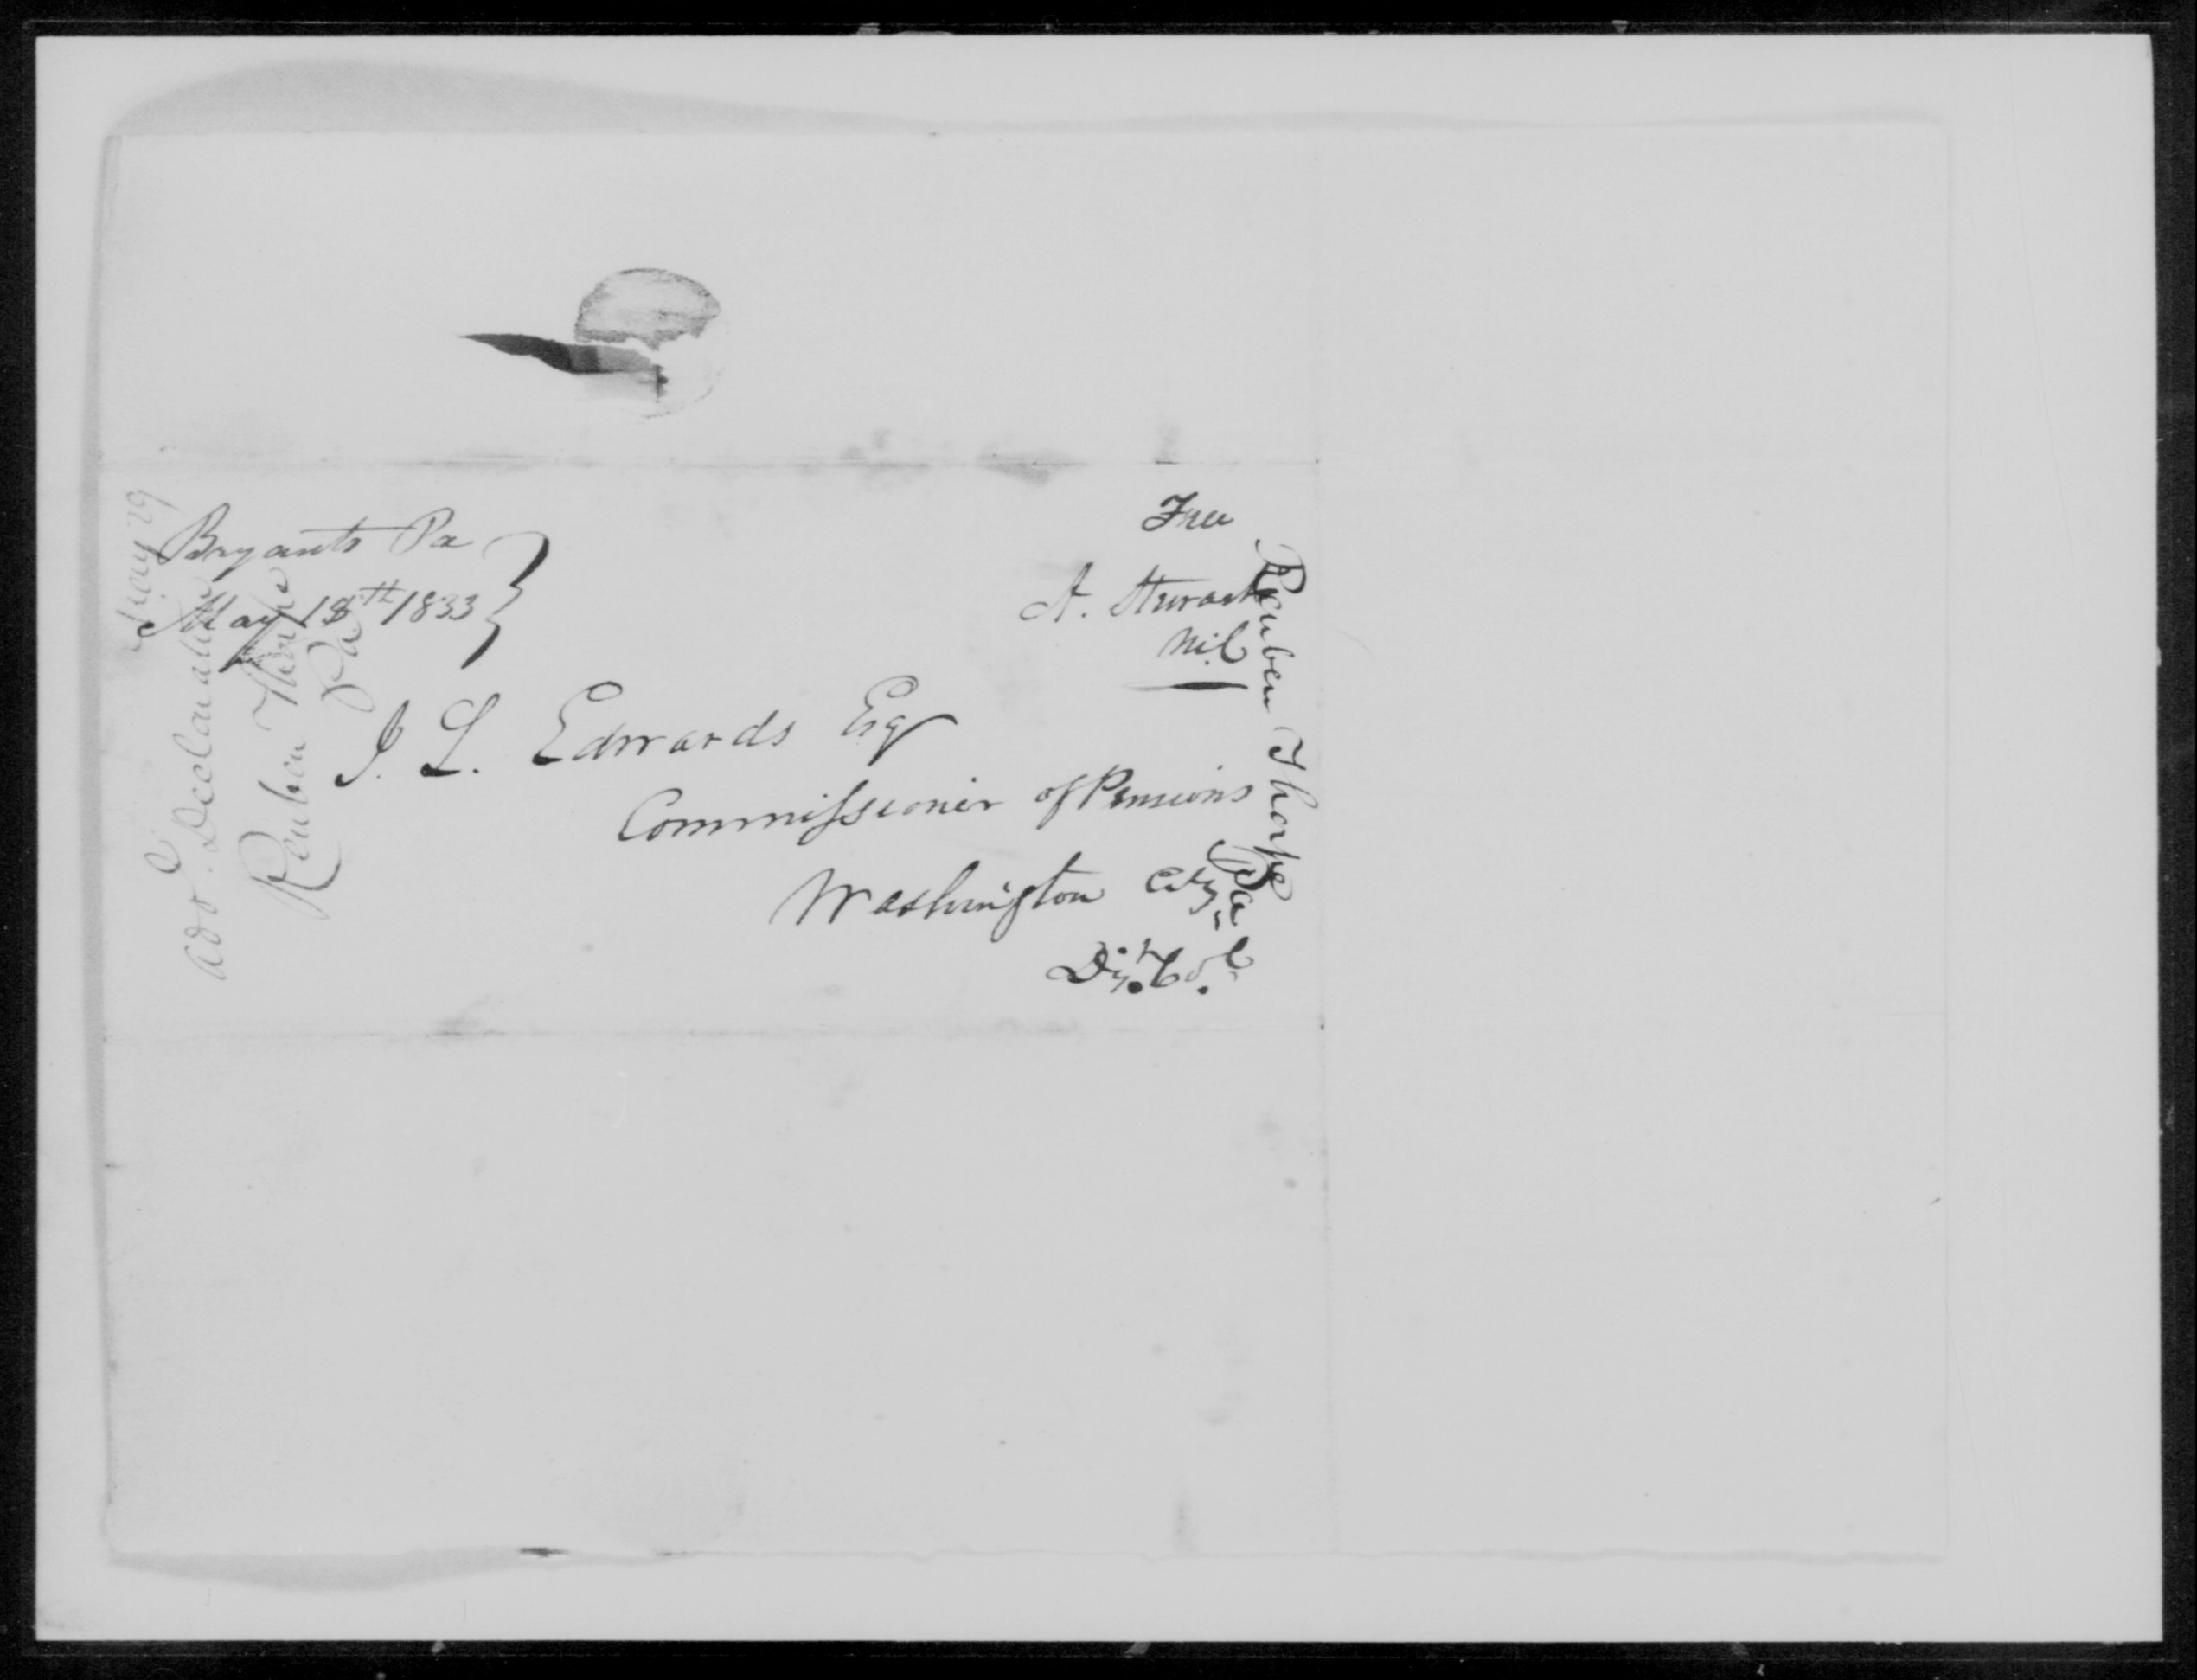Bryants Pa
May 18th 1831

Free
A. Stewart Mil
---

J. L. Edwards Esq
Commissioner of Pensions
Washington City
D.C.
-
[vertically on left:]. May 19 addl Declaration Reuben Thorp

[vertically on right:]. Reuben Thorp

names: J L Edwards; Reuben Thorpe; Reuben Thorpe; A Stewart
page: 19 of 28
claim: survivor's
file: S. 6229, for Reuben Thorp, New Jersey